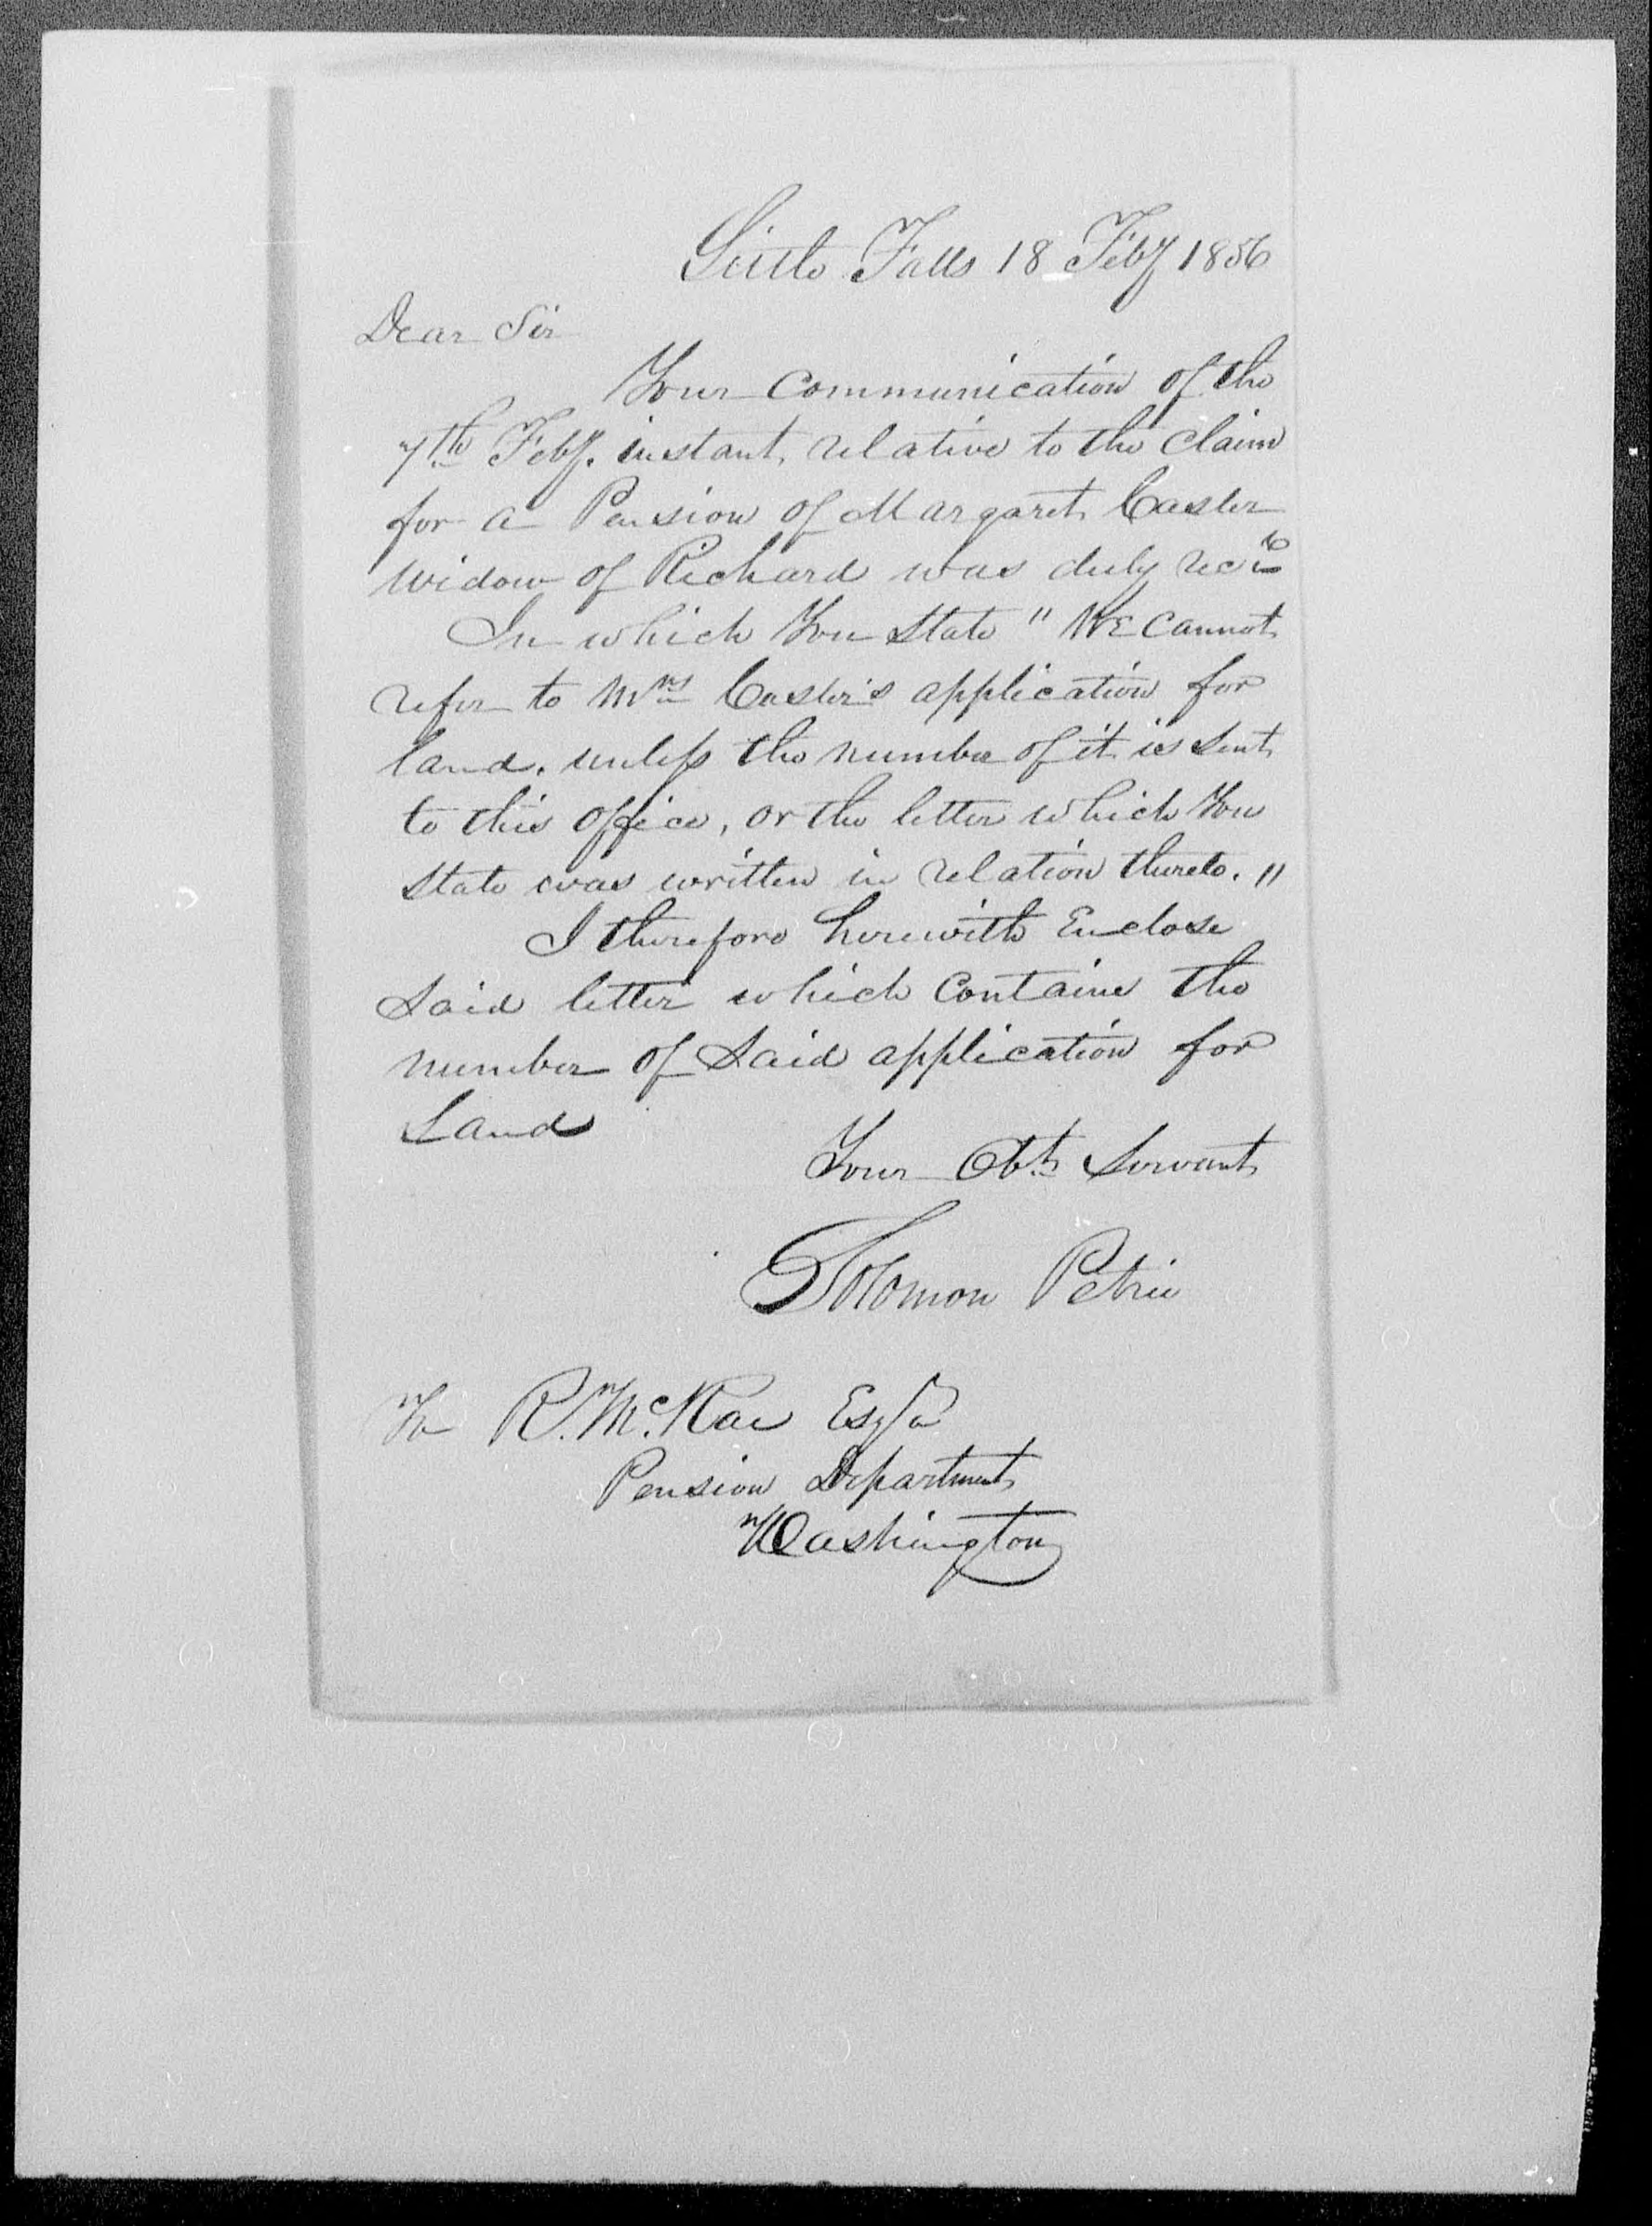Little Falls 18 Feby 1856 
Dear Sir 
Your communication of the 7th Feby. instant, relative to the claim for a Pension of Margaret Casler widow of Richard was duly recd 
In which you state "We cannot refer to Mrs Casler's application for land, unless the number of it is sent to this office, or the letter which you state was written in relation thereto," 
I therefore herewith enclose said letter which contains the number of said application for Land
Your Obt Servant 
[signed] Solomon Petrie 

To R McRae Esqr 
Pension Department 
Washington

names: Richard Casler, Casler, Margaret Casler, Solomon Petrie, R Mc Rae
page: 42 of 66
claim: widow's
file: W. 6637, Richard Caslar, New York